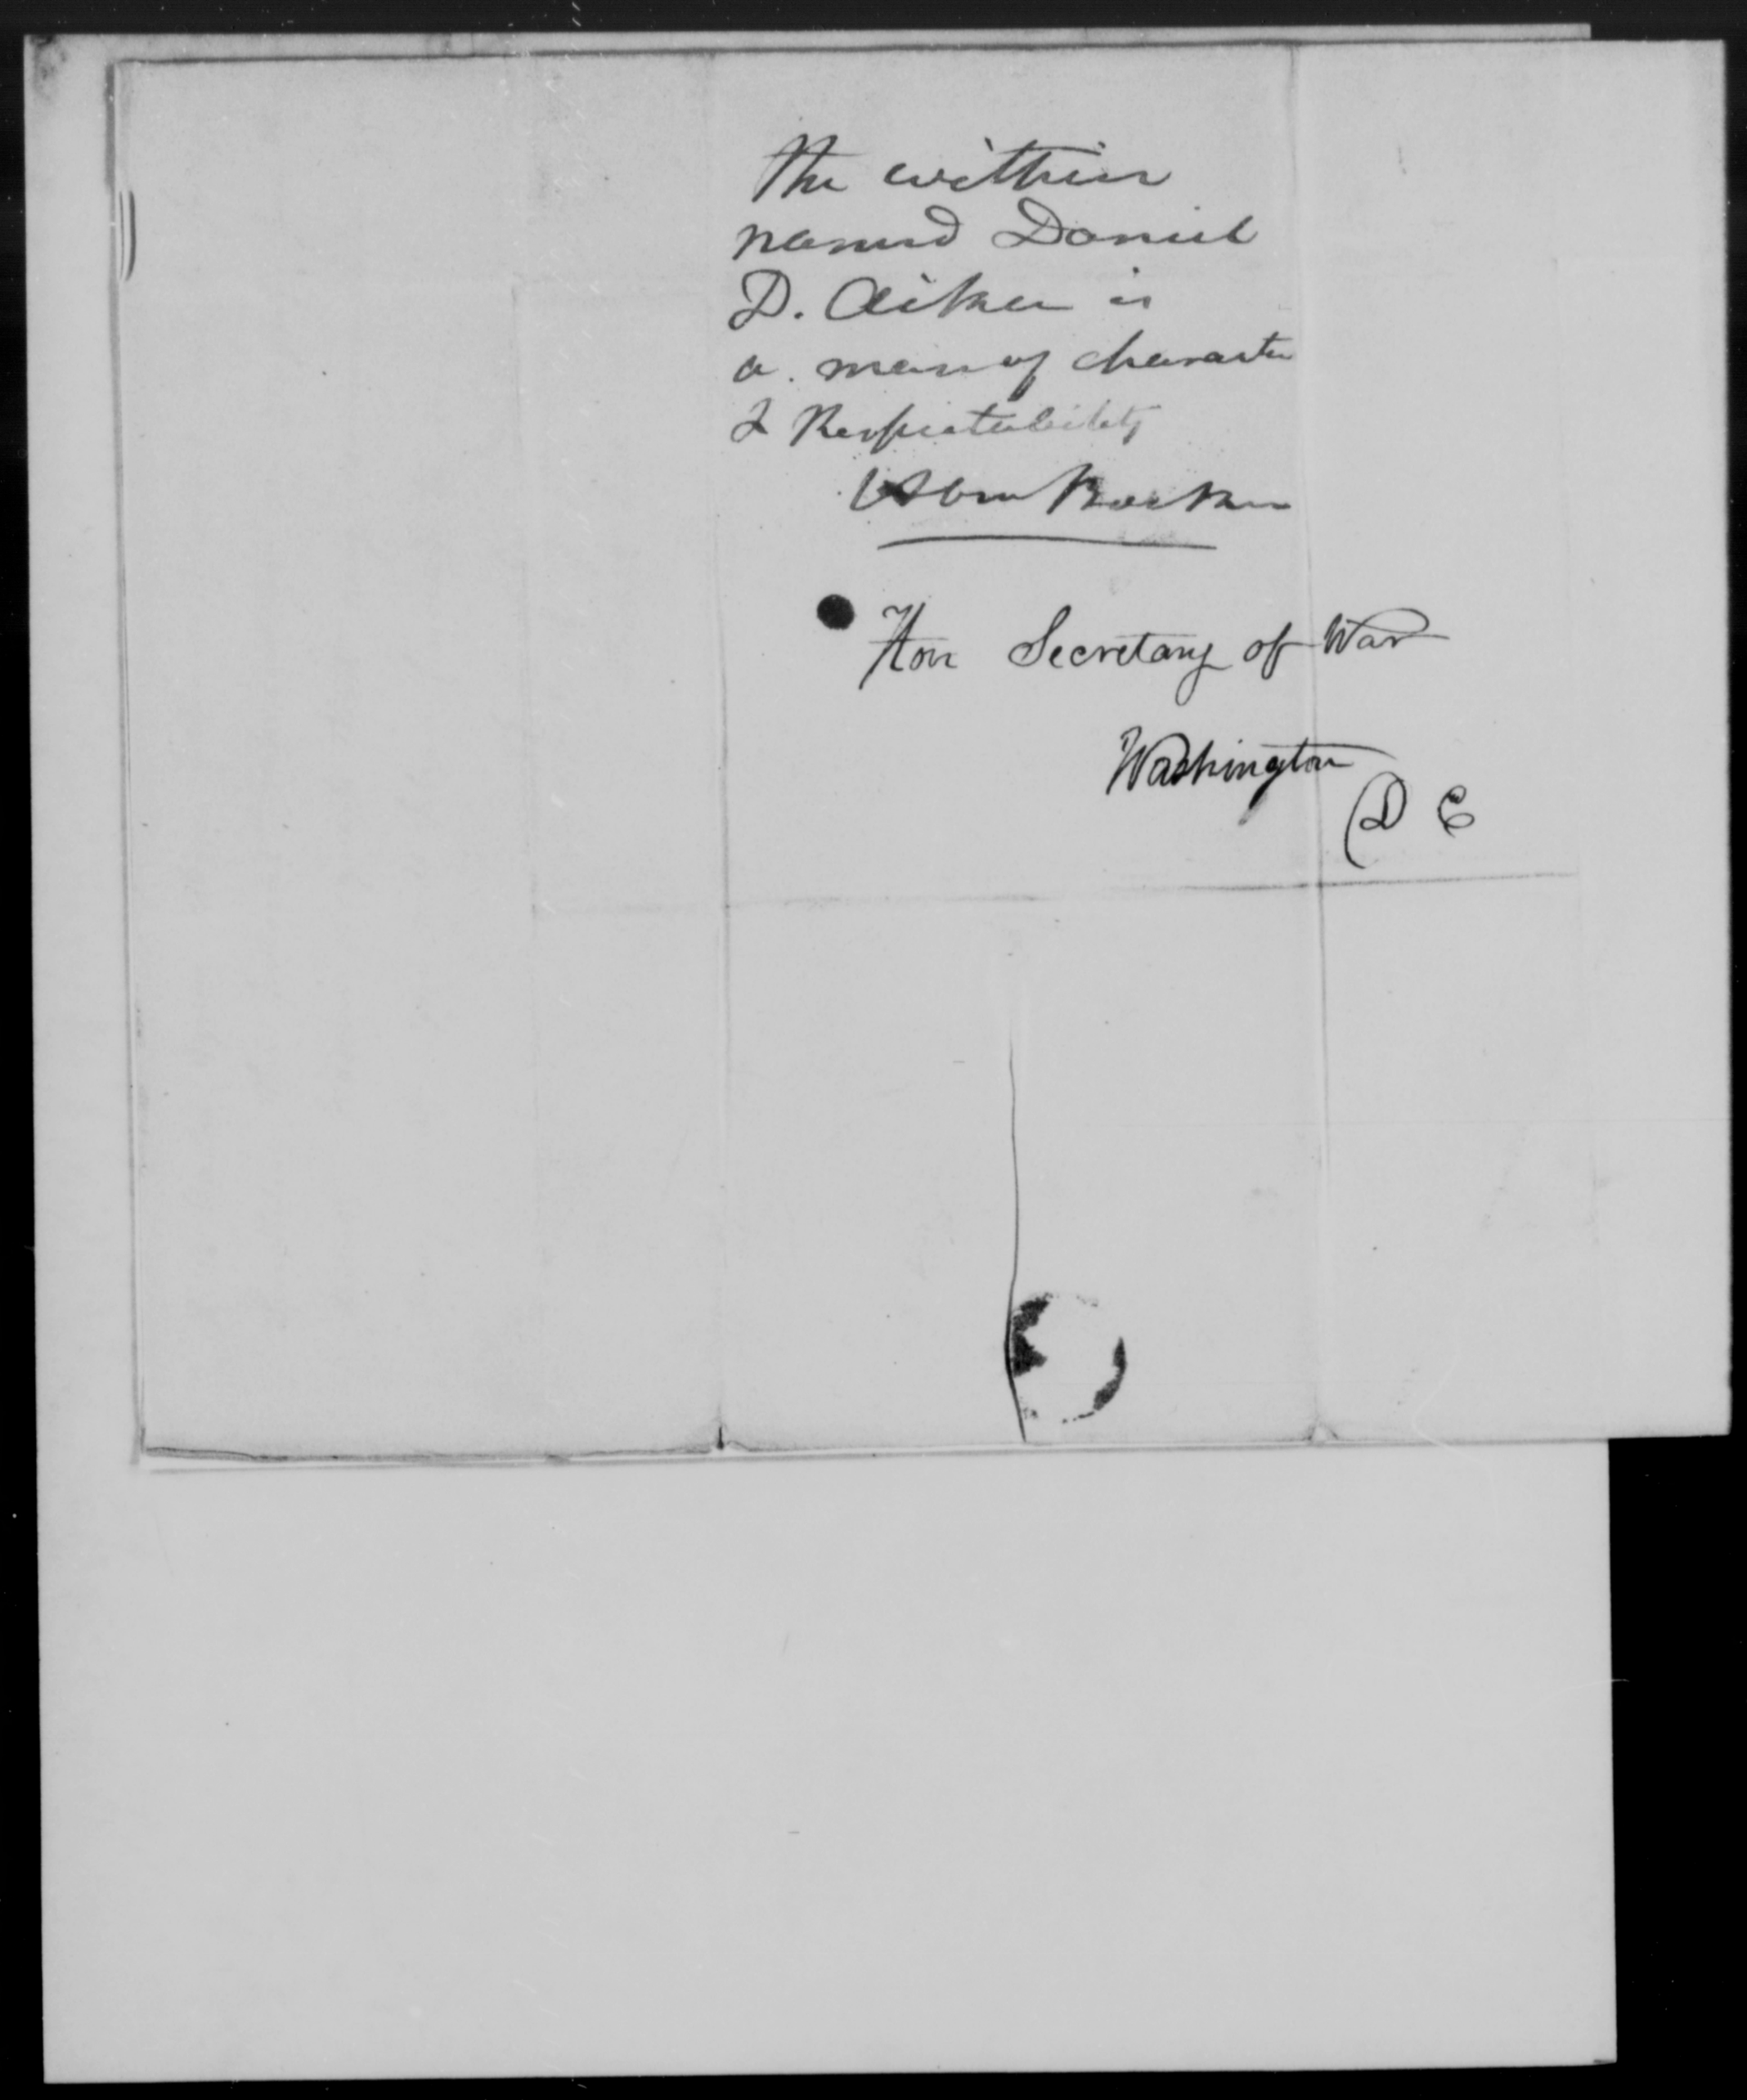the within named Daniel D. Aiken is a man of character & Respectability
Abram Barker


Hon Secretary of War
Washington
DC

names: Daniel D Aiken, Abm Bucker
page: 71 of 77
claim: widow's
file: W. 19658, John Woodin, New York